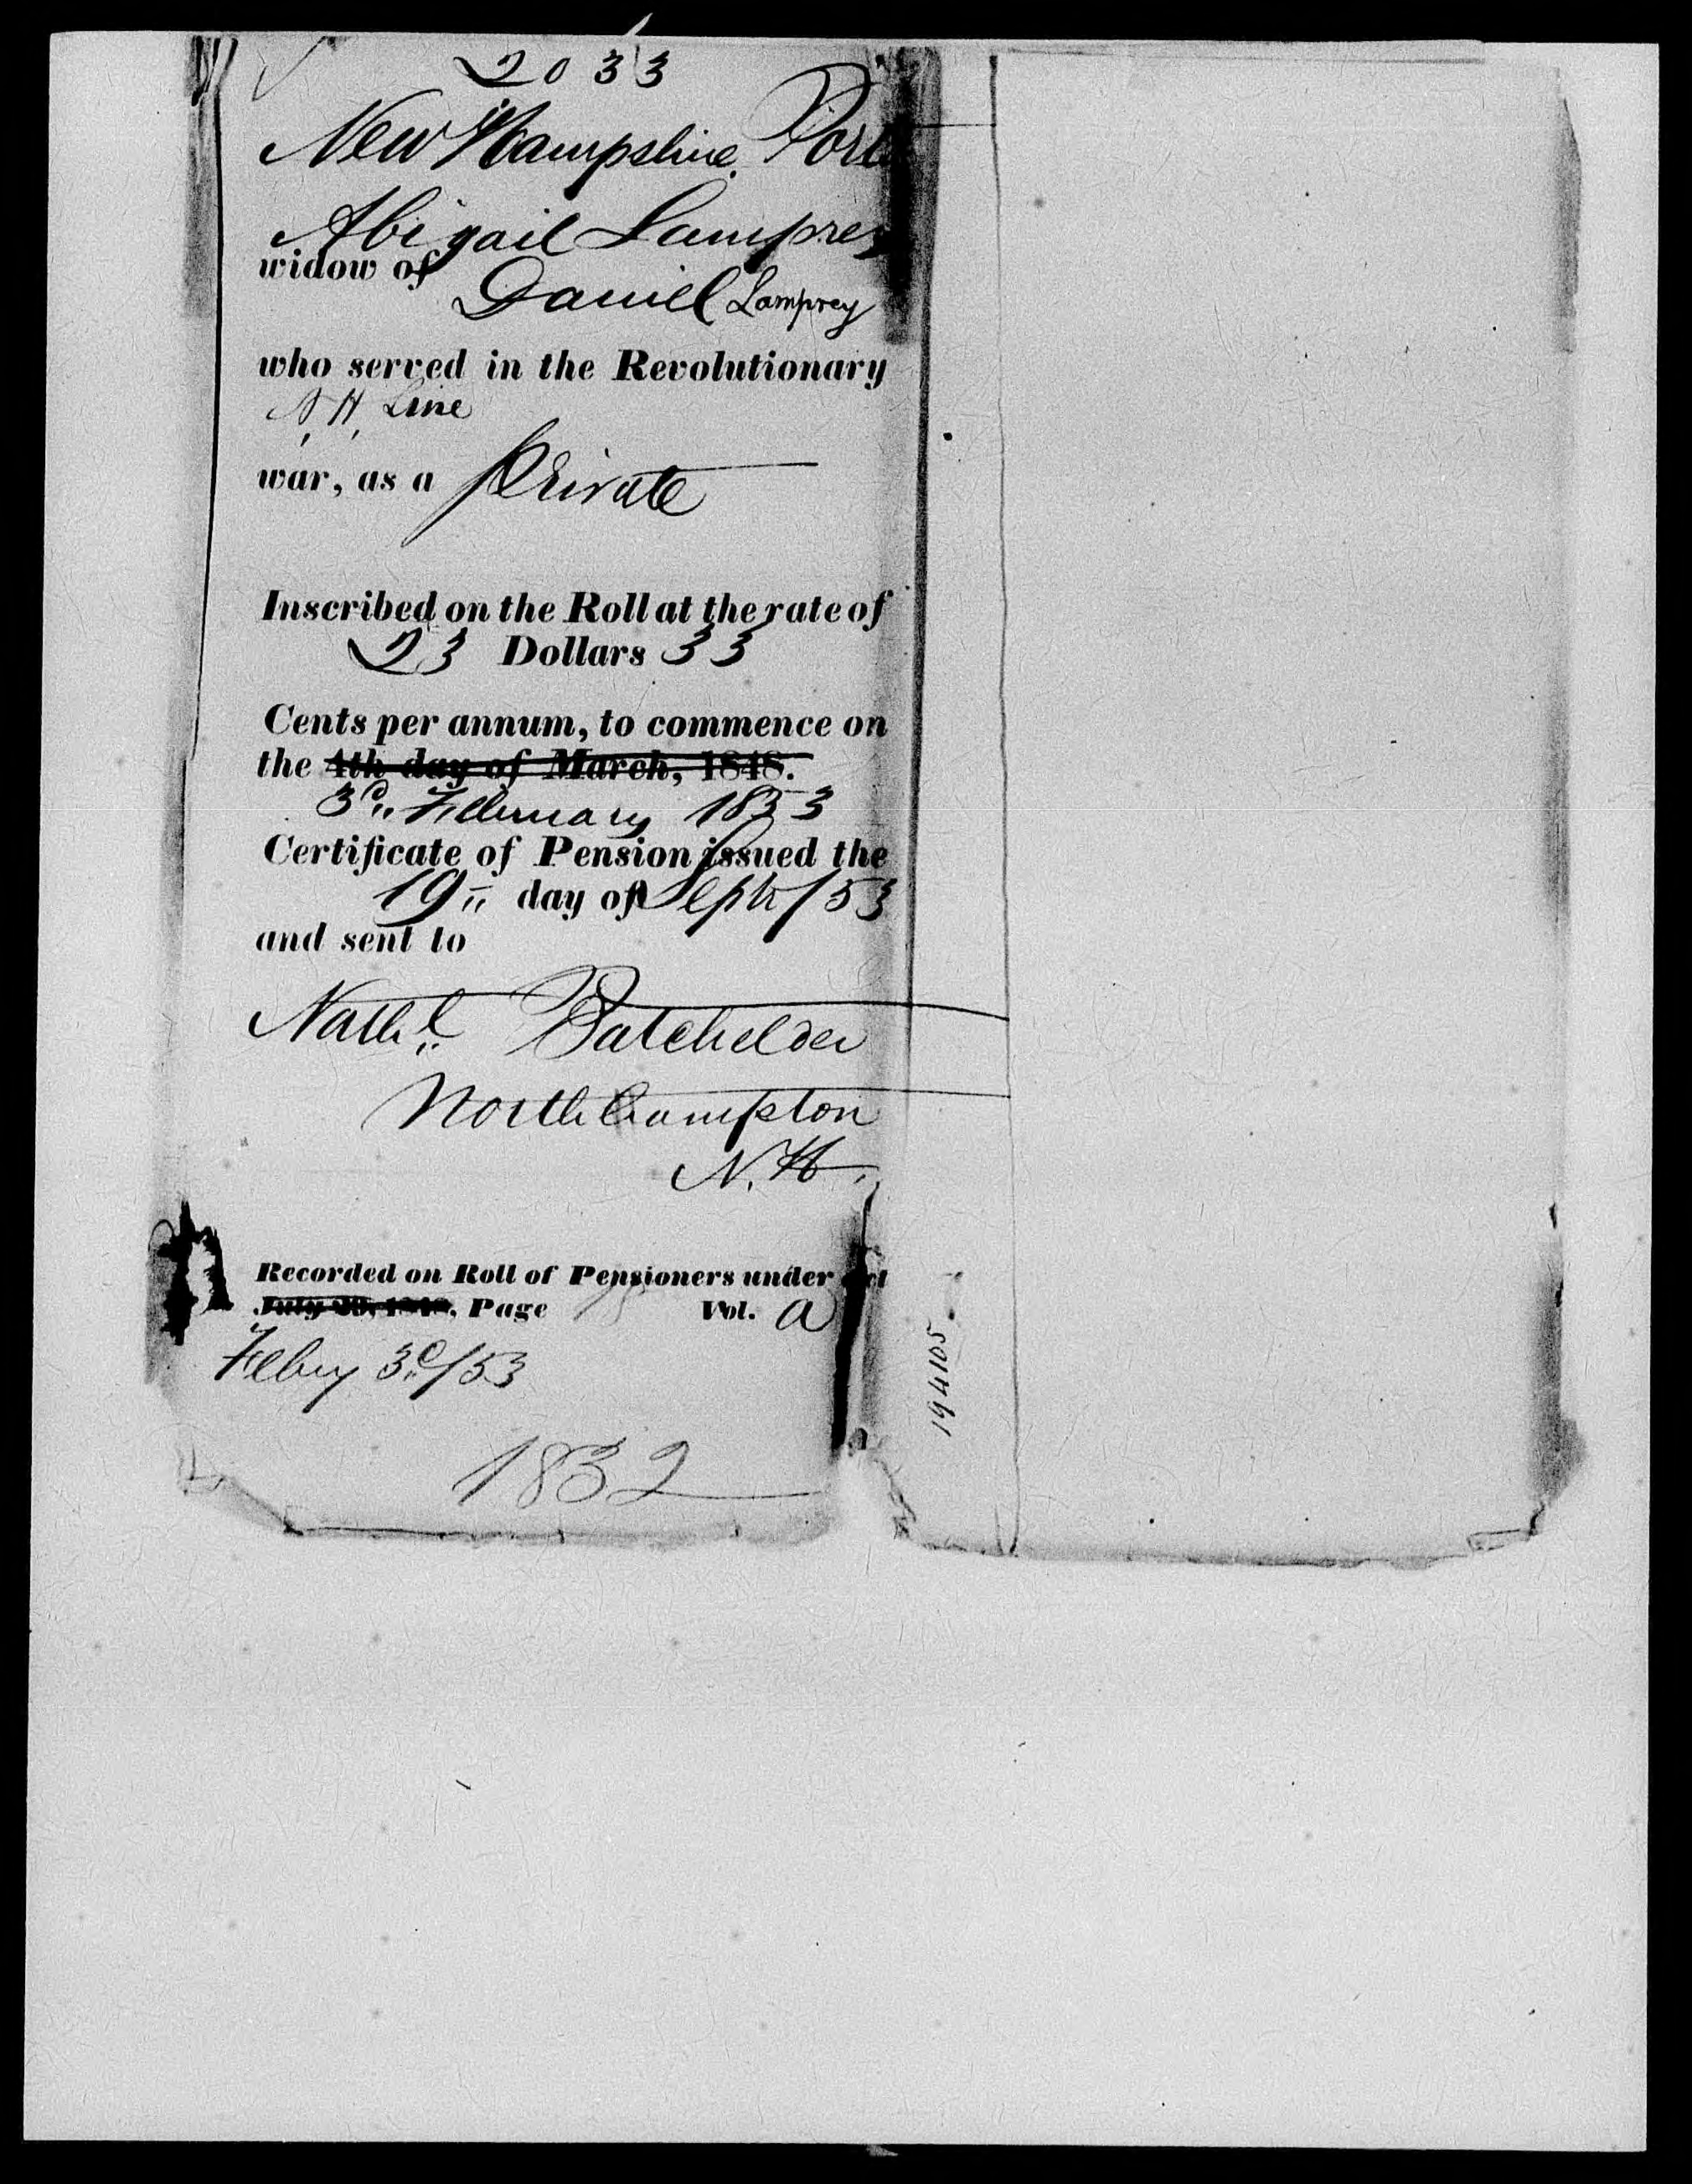2033
New Hampshire Roll
Abigail Lamprey widow of Daniel Lamprey
who served in the N.H. Line in the Revolutionary war, as a private
Inscribed on the Roll at the rate of 23 Dollars 33
Cents per annum, to commence on the 3d February 1833
Certificate of Pension issued the 19th day of Sept [18]53 and sent to Nathl [NATHANIEL] Batchelder North Campton N. H.
Recorded on Roll of Pensioners under Page 78 Vol. A Feby [FEBRUARY] 3d [18]/53
1832

[right sideways] 194105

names: Nathl Batchelder; Abigail Lamprey; Daniel Lamprey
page: 4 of 53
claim: widow's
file: W. 492, for Daniel Lamprey, New Hampshire